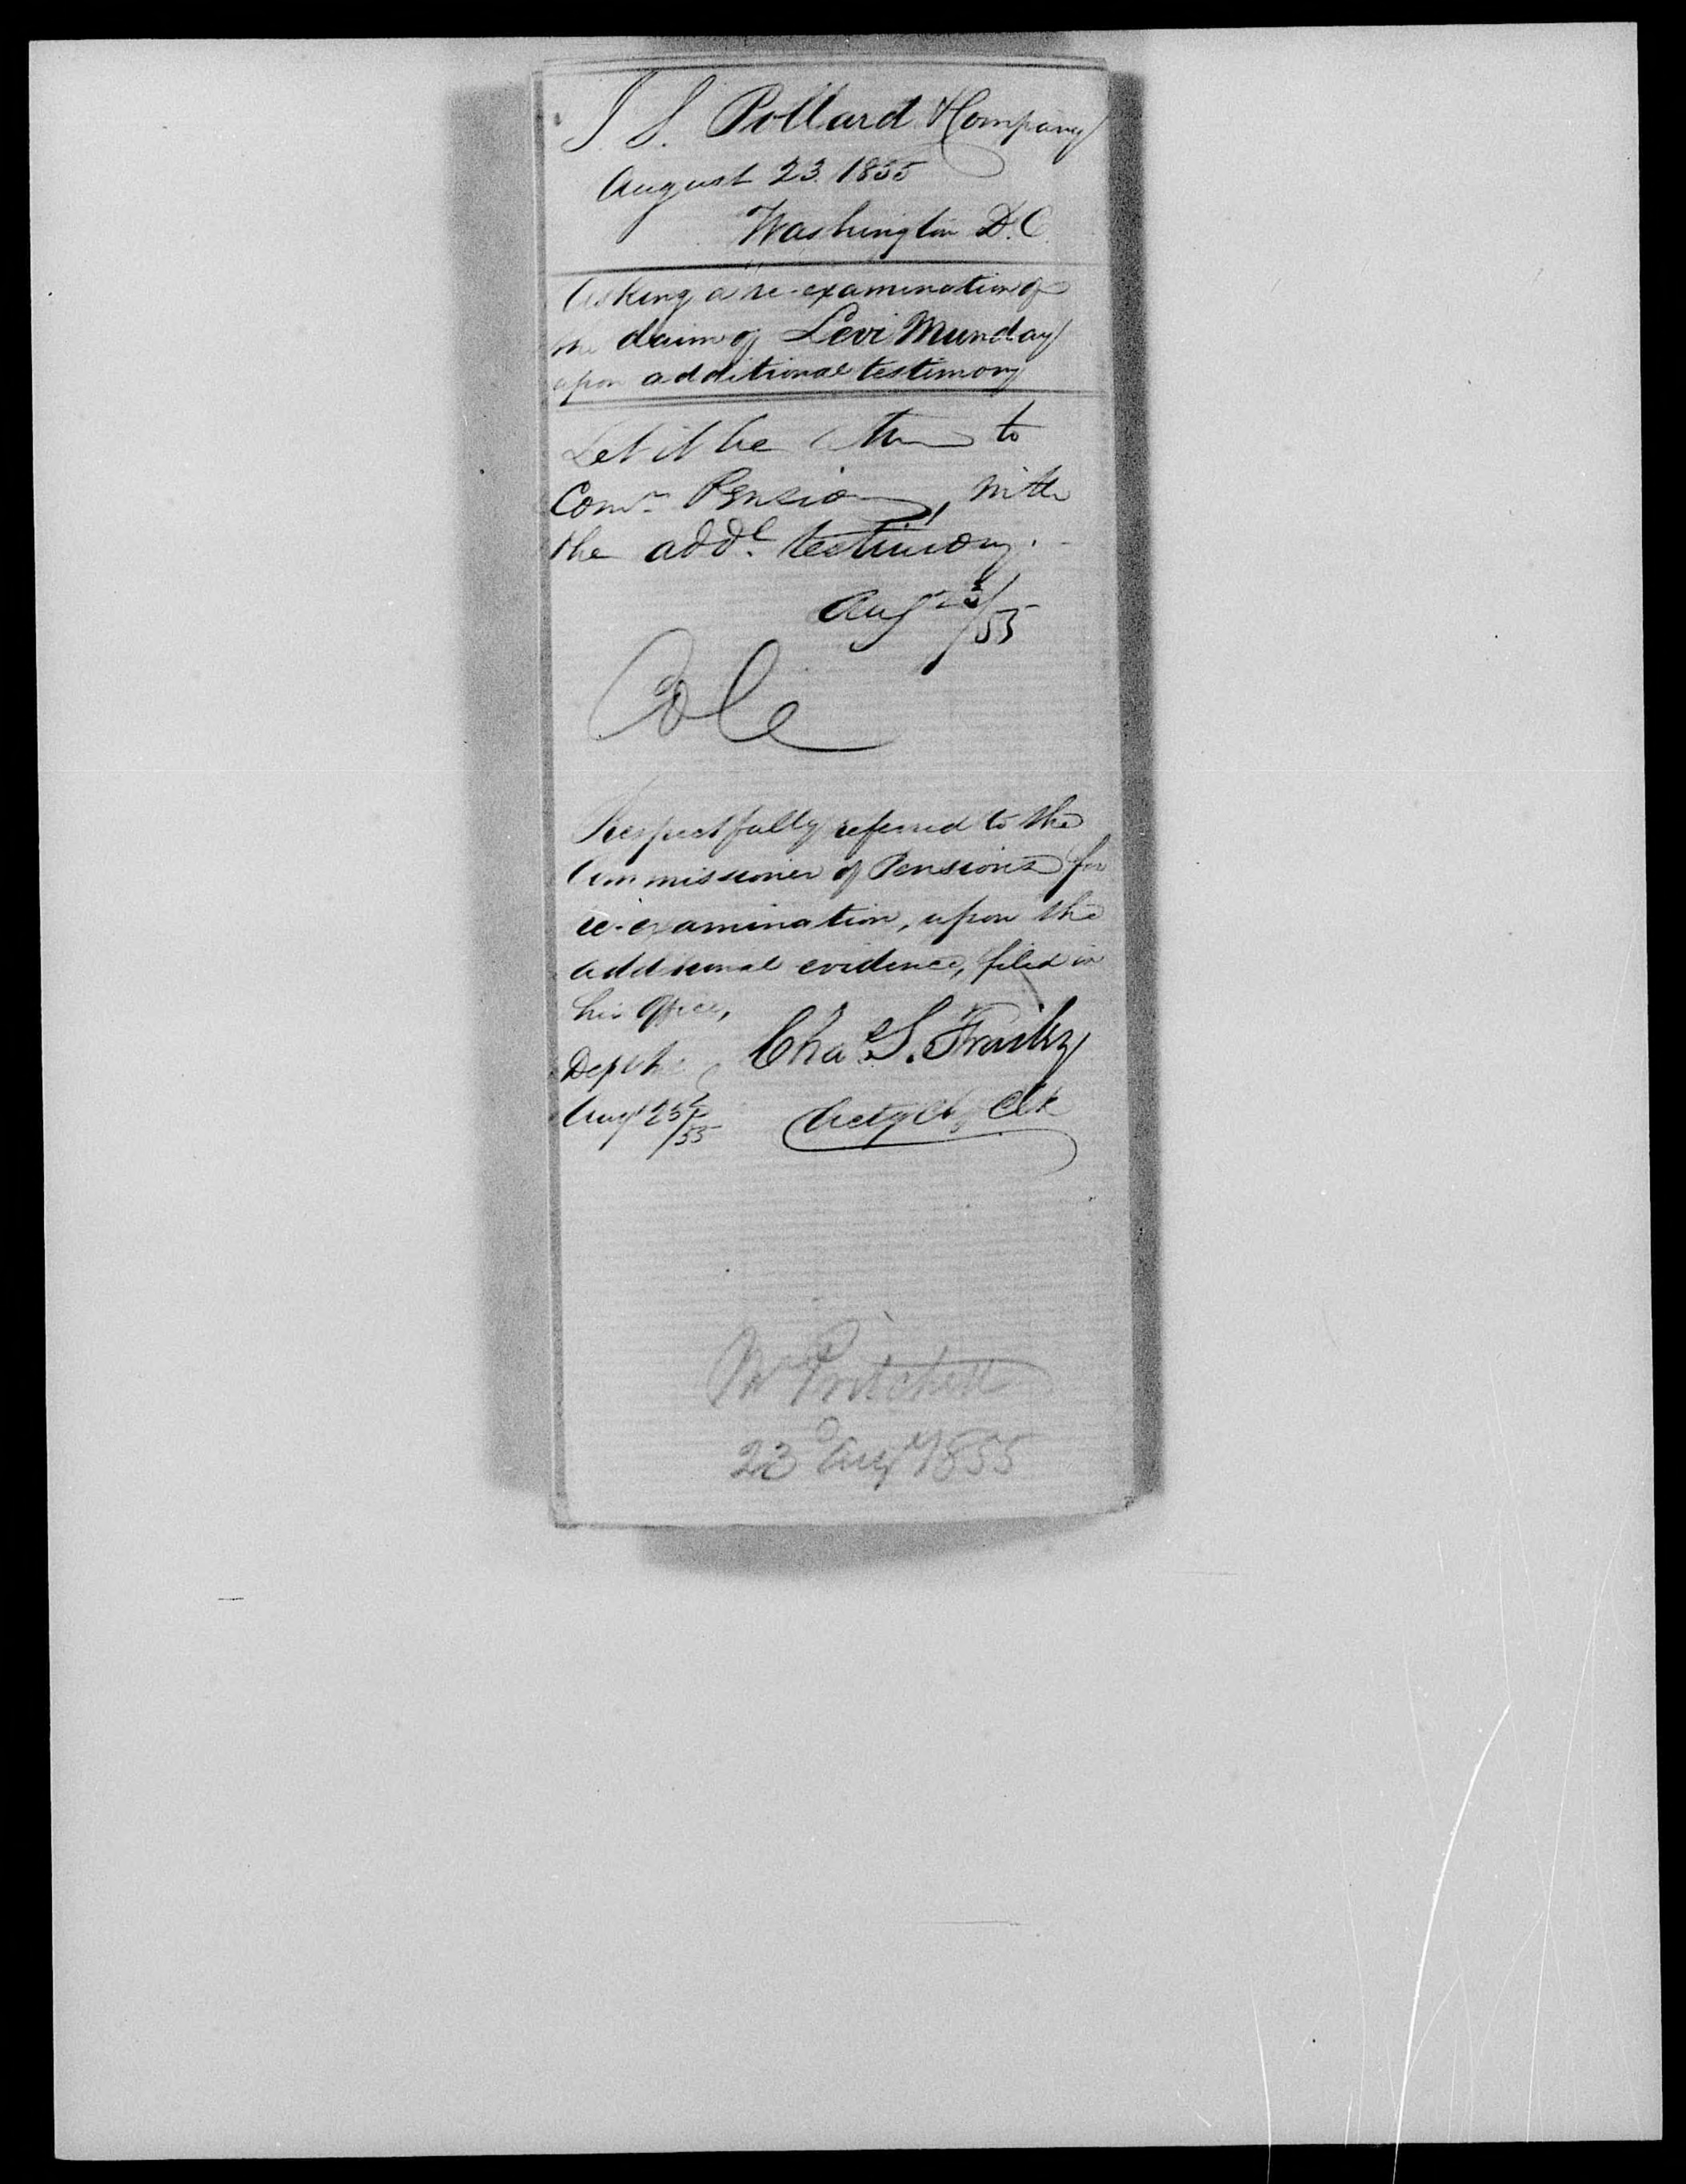J.S. Pollard & Company
August 23, 1855
Washington, D.C.

Asking (for) a re-examination of the claim of Levi Munday upon additional testimony.

Let it be atten(tioned) to Com(missioner of) Pensions with the add'l testimony.
Aug. 25/'53
s/ Cole

Respectfully referred to the Commissioner of Pensions for examination, upon the additional evidence filed in his office.
s/ Chas. S. Frank, Acting Co. Clk.

Dep(osed) Aug. 25/'53

W. Pritchett, 23 Aug. 1855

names: J S Pollard; Chas S Frailey; Levi Munday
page: 89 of 95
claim: survivor's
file: S 2889, for Levi Mundy, New Jersey